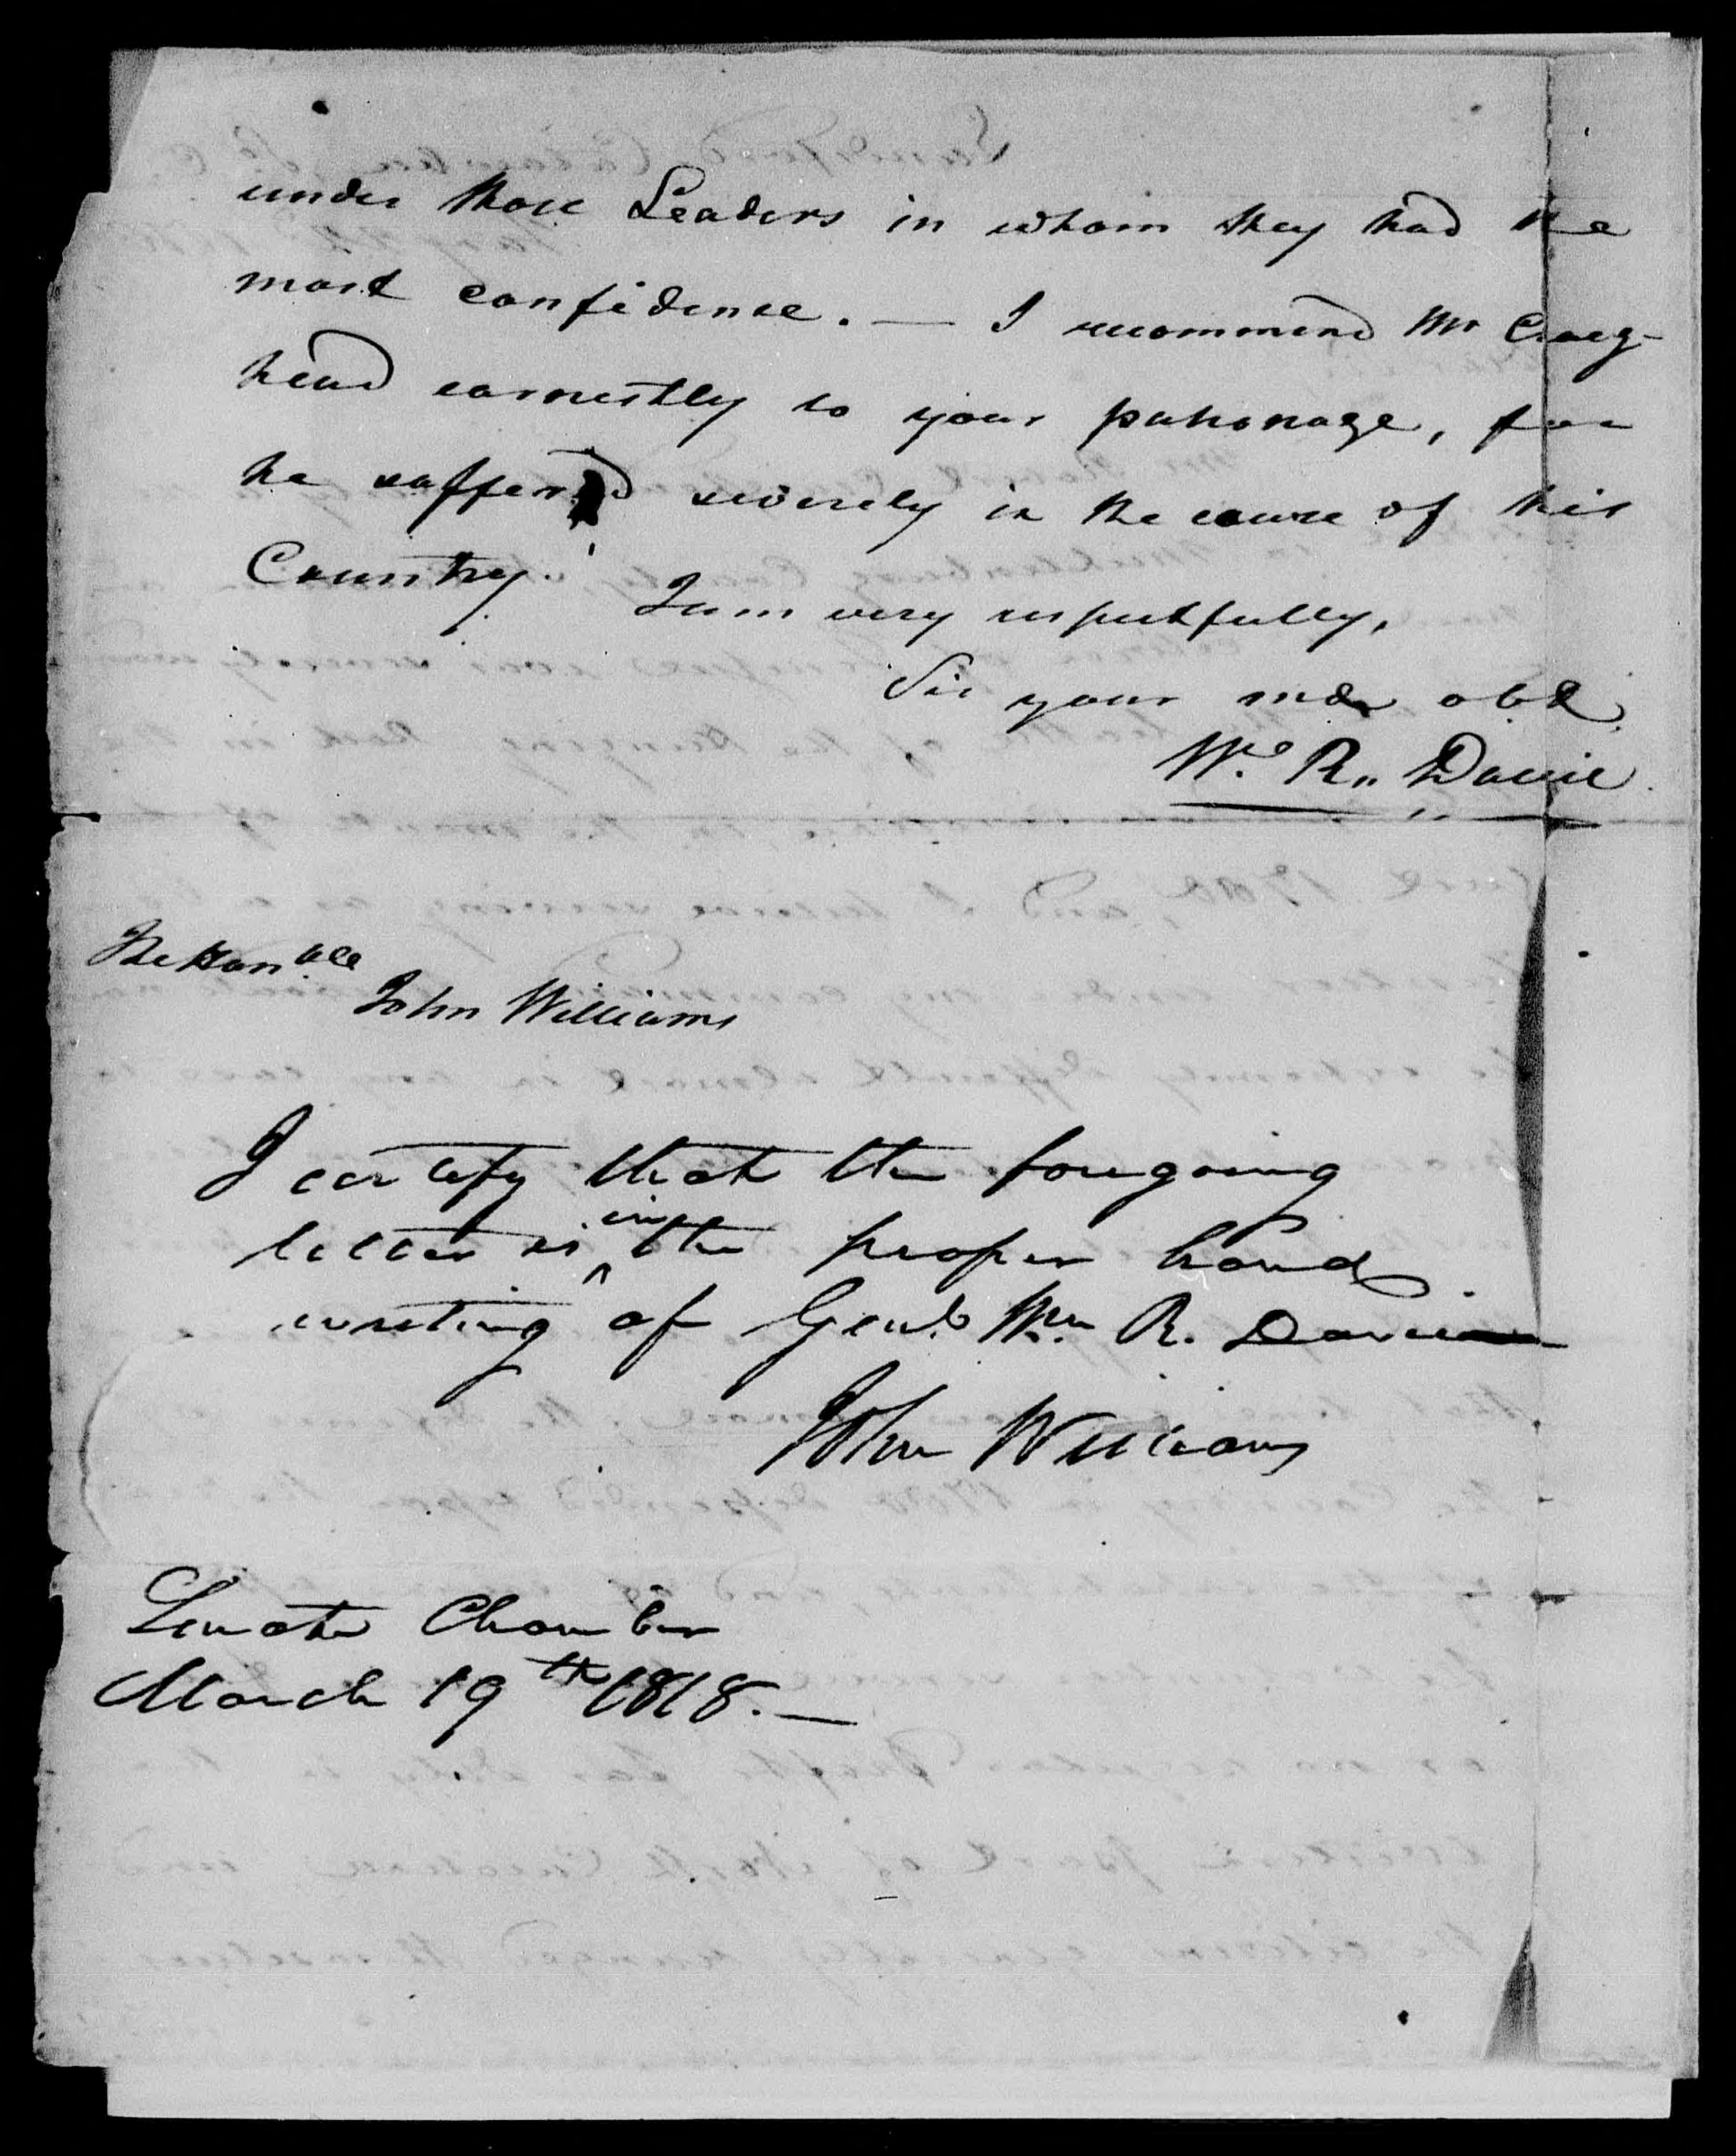under theoe leaders in whom they had the
most
confidence.-- I recommend Mr
Craighead earnestly to your patronage, for
he offered suffered severely in the cause of
his County
I am very respectfully,
Sir your and obt
W. R. Davie

The Honorable 
John Williams


I certify that the foregoing
letter is in the prope
hand
writing of General William R. Davie
John Williams
Senate Chamber
March 19th 1818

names: Craighead, John Williams, R Davie, John Williams, Wm R Davie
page: 13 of 26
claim: survivor's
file: S. 352, Robert Craighead, N.C.